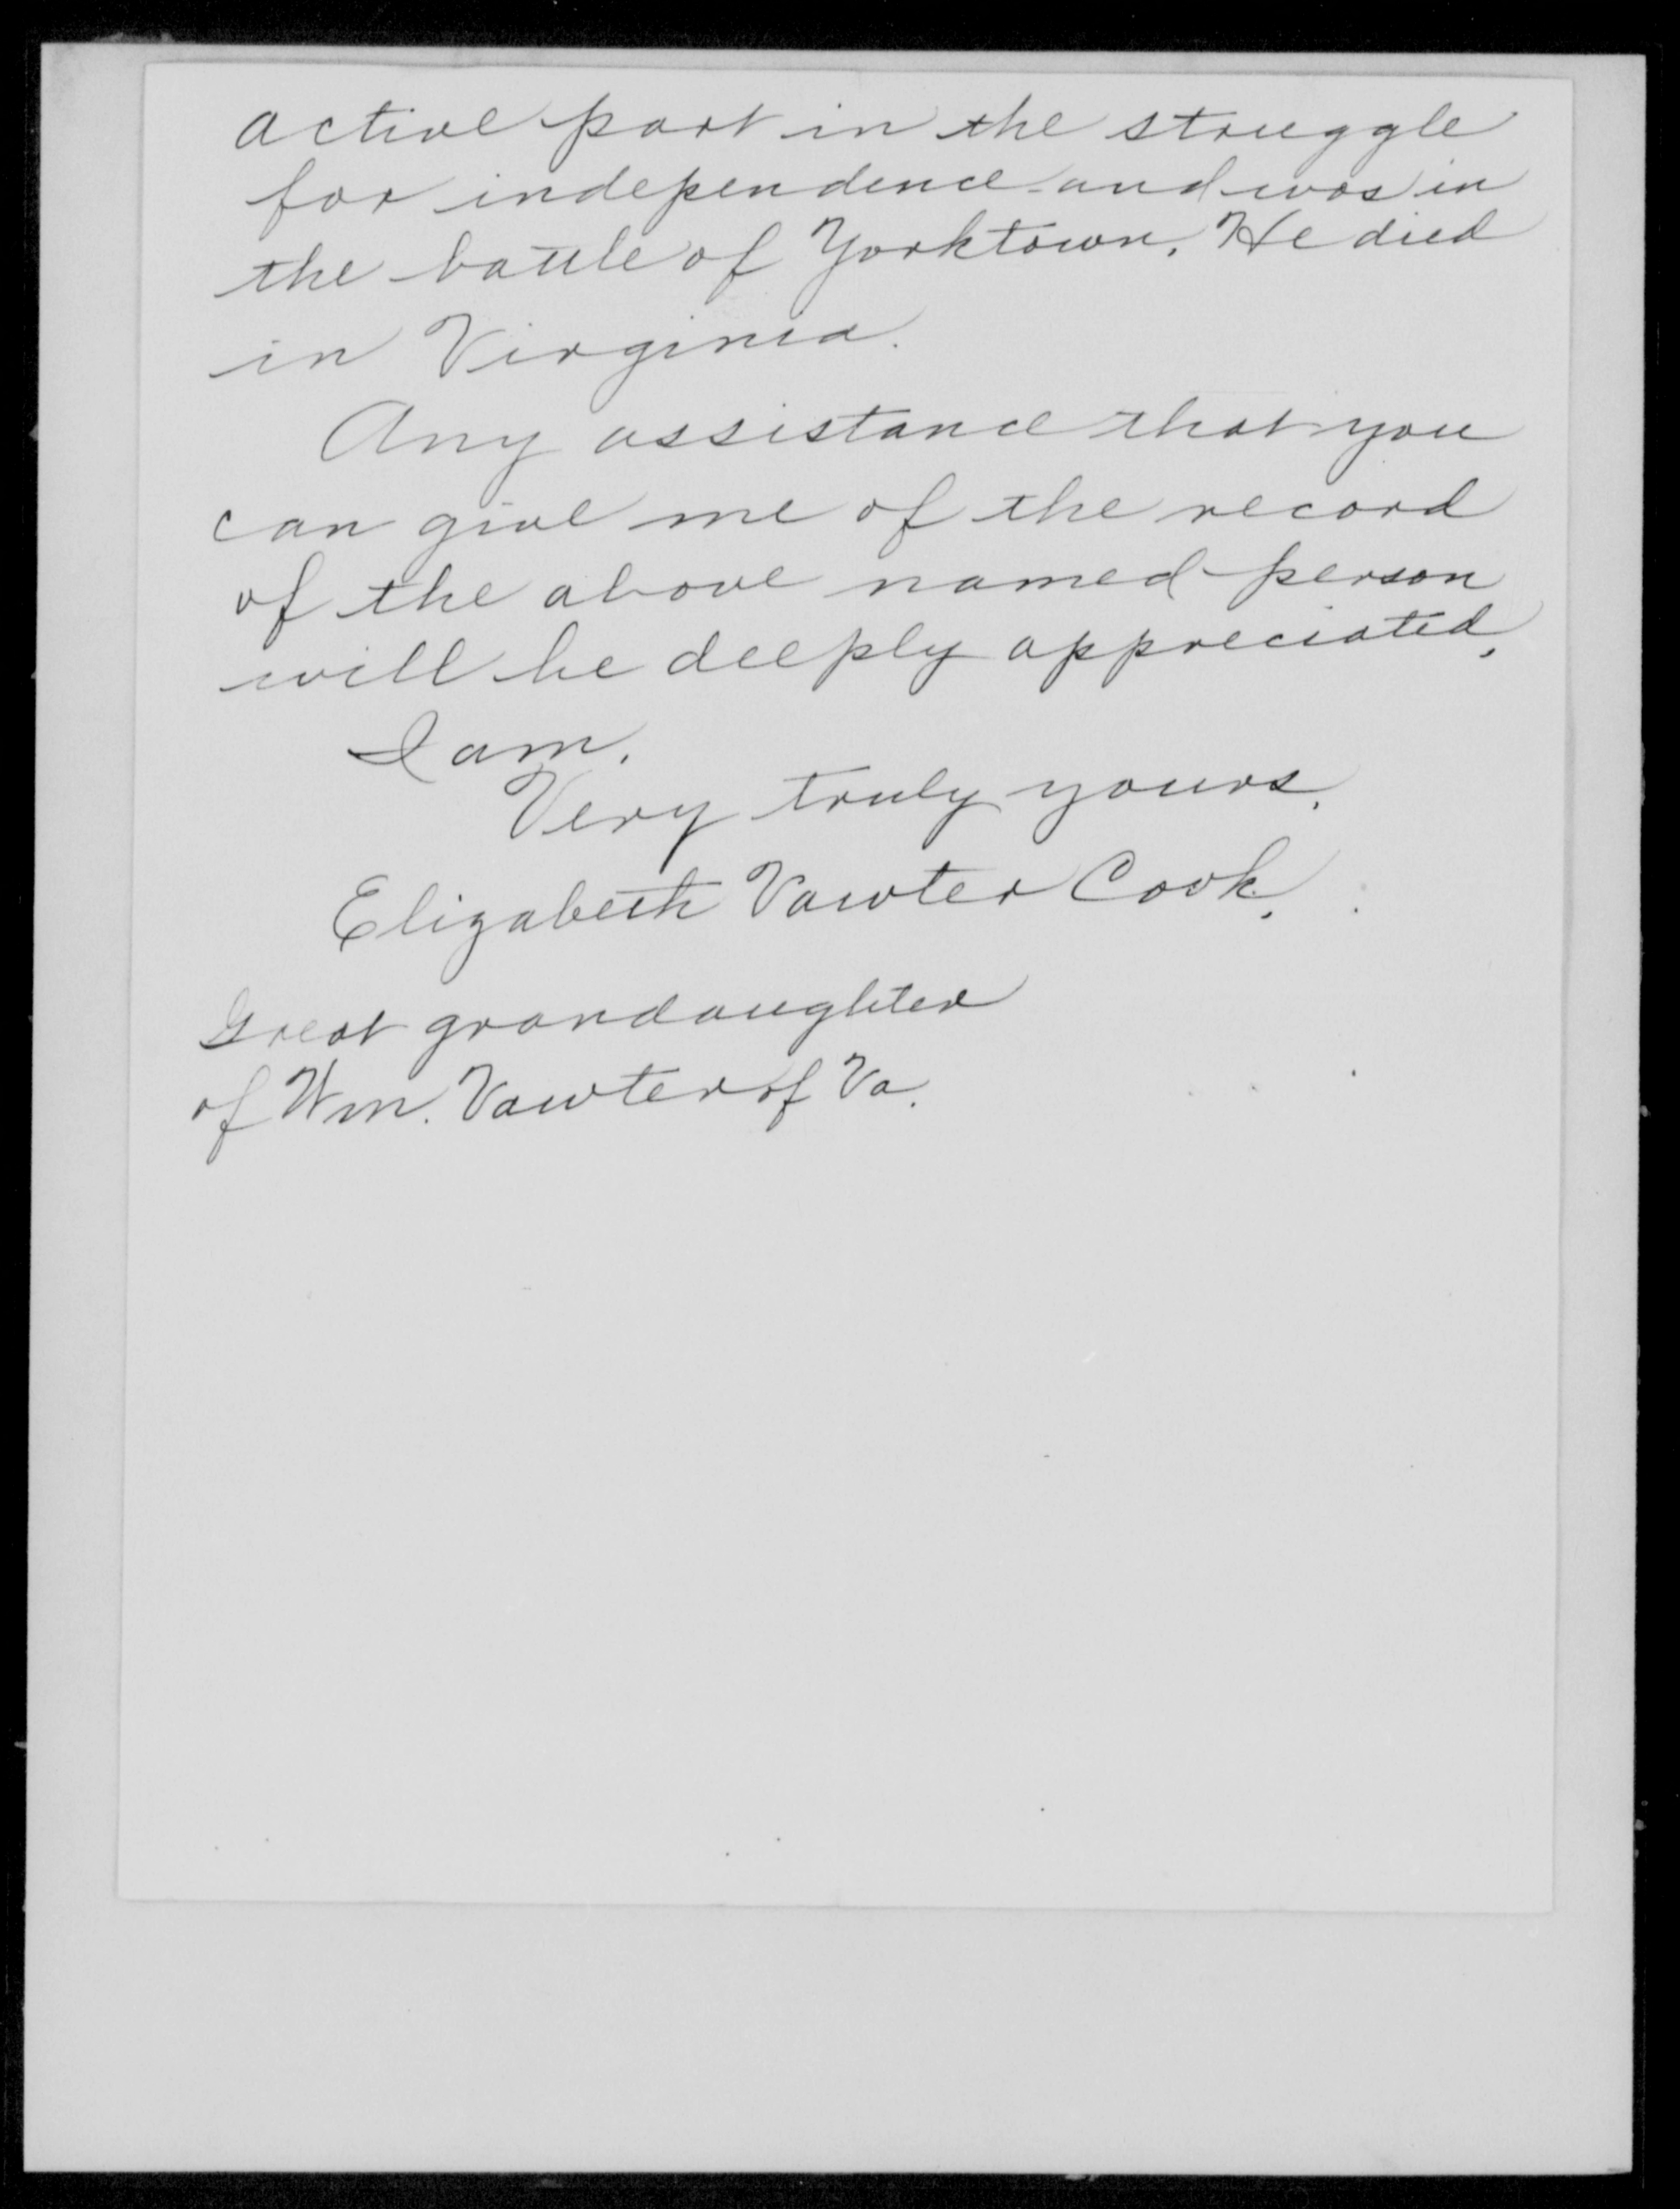active part in the struggle
for independence and was in
the battle of Yorktown. He died
in Virginia
Any assistance that you
can give me of the record
of the above named person,
will be deeply appreciated.
I am
Very truly yours
Elizabeth Vawter Cook
Great grandaughter [granddaughter]
of Win Vawter of Va.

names: Elizabeth Vawter Cook, Wm Vawter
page: 38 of 51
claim: rejected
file: R. 10,921, William Vawter, Va.